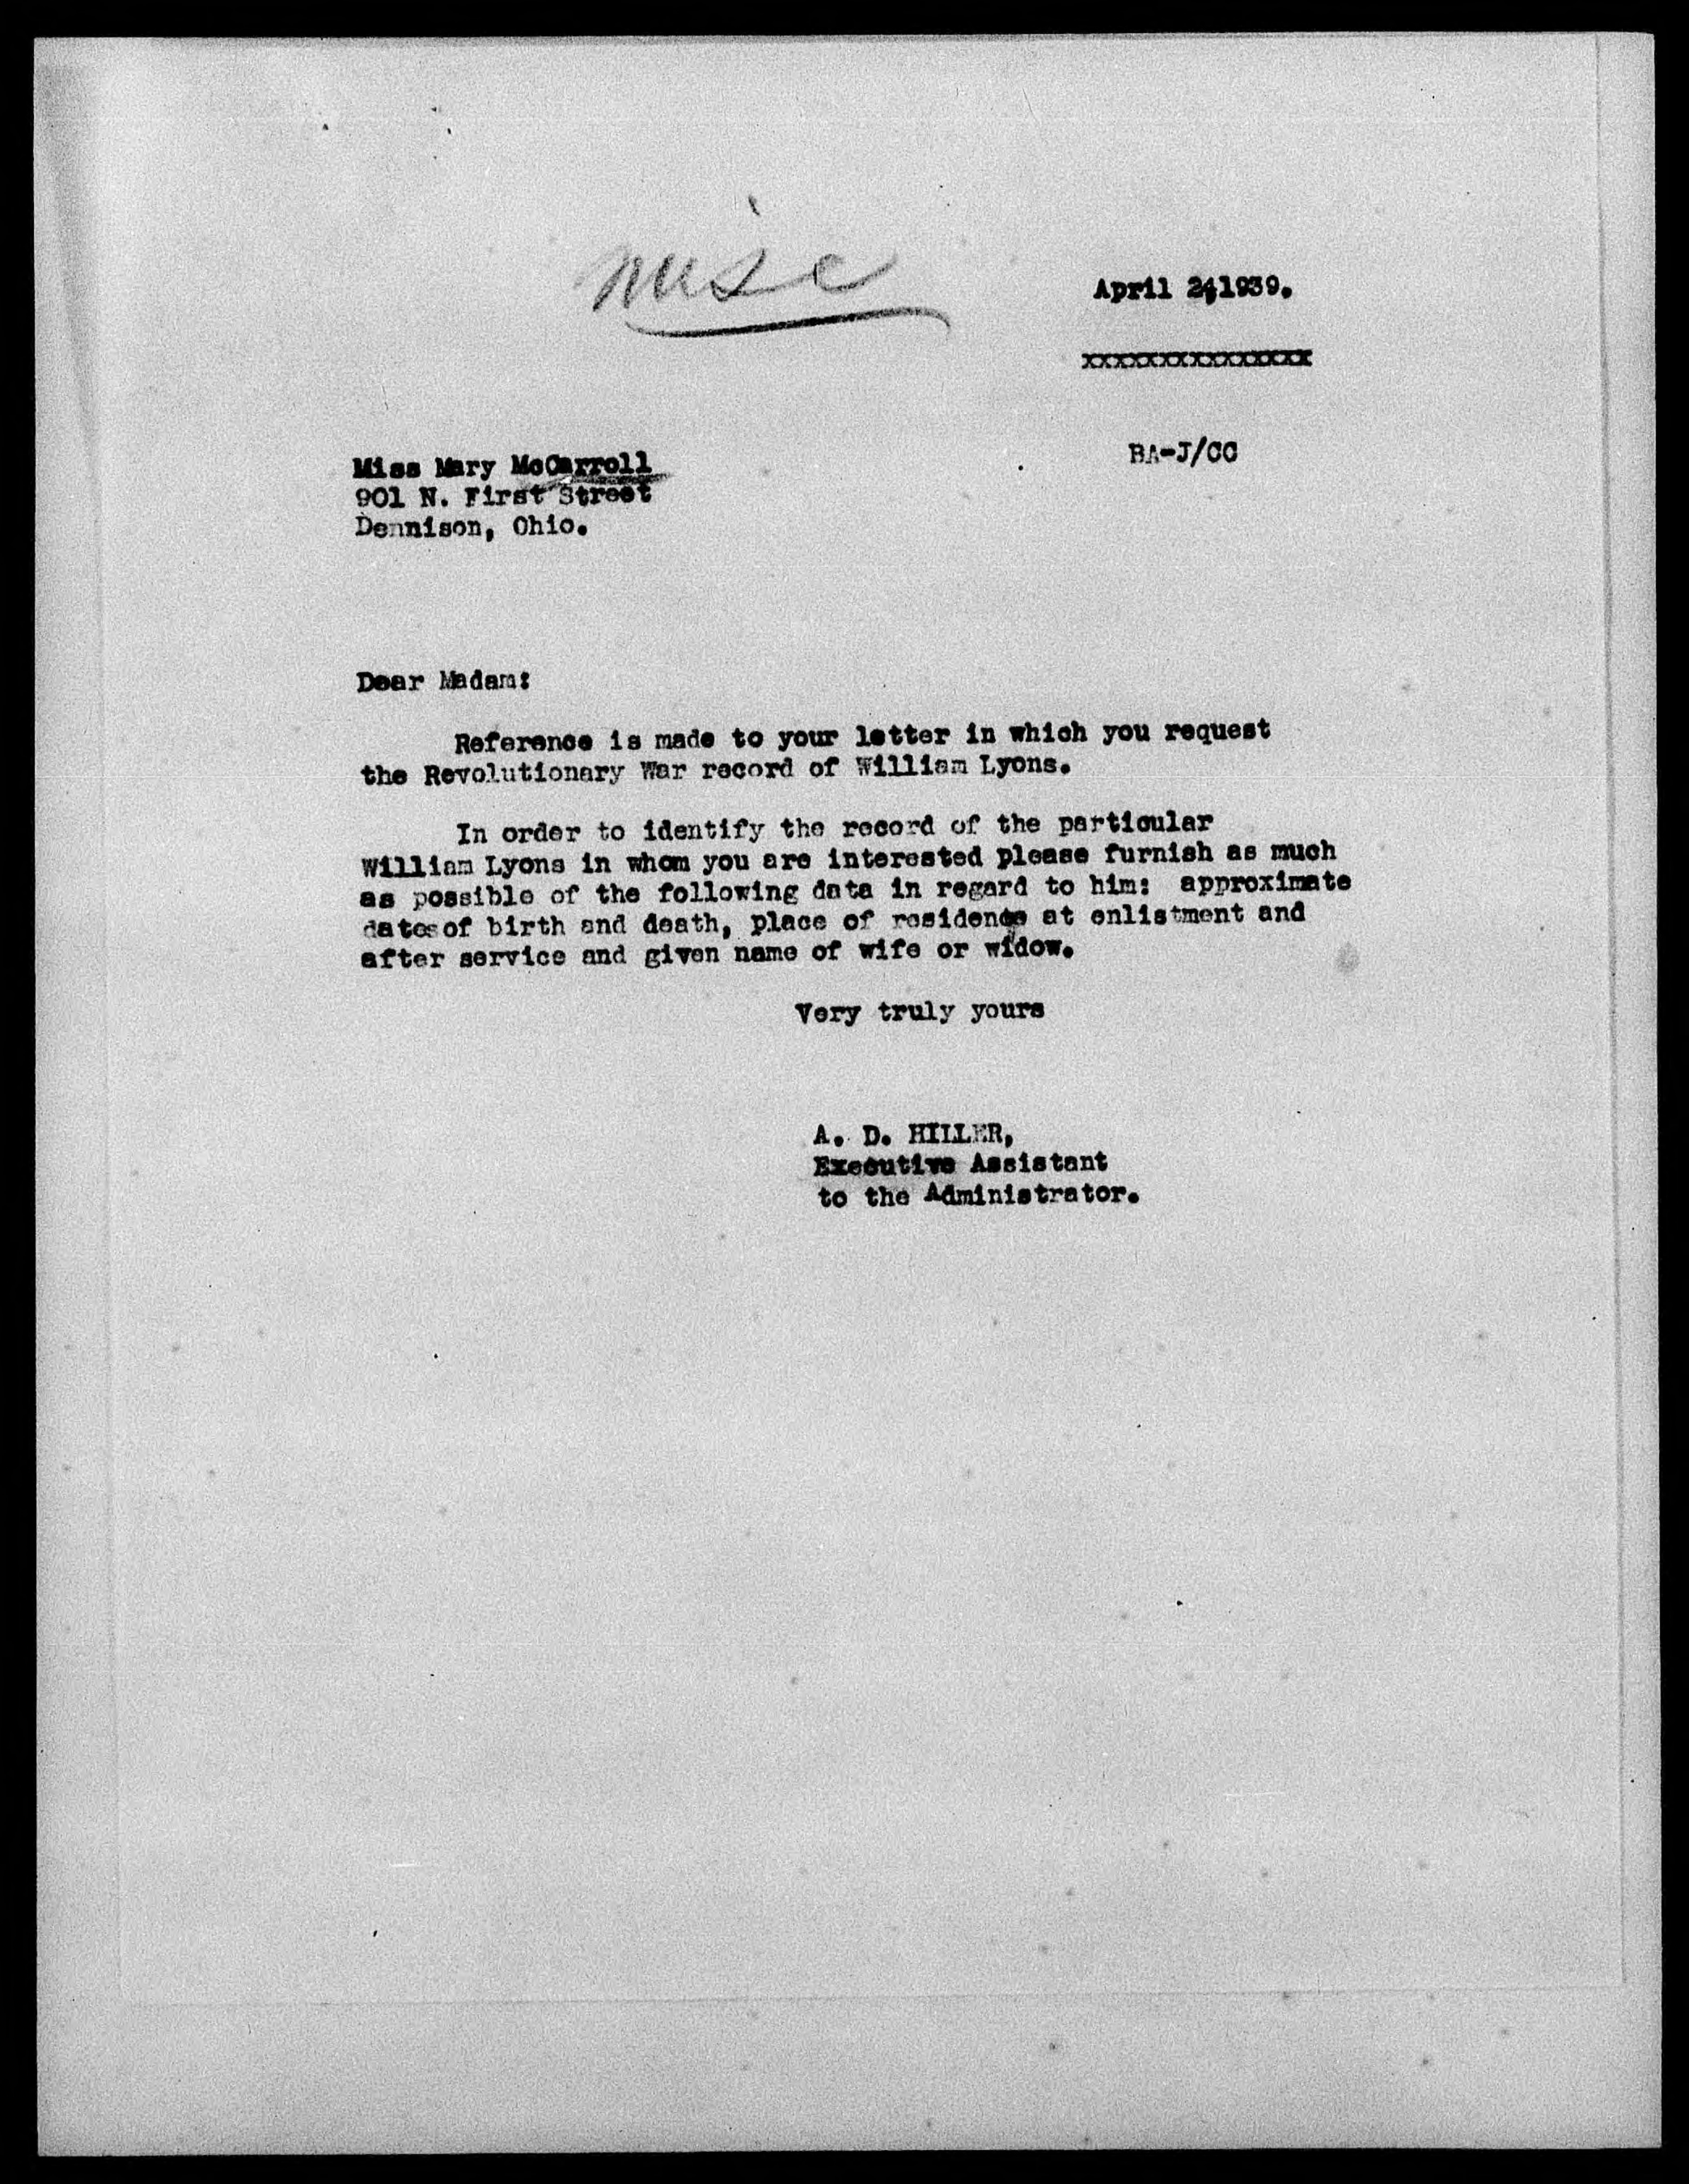Misc April 24 1939
Miss Mary McCarrol               RA-J/CC
901 N. First Street
Dennison, Ohio

Dear Madam:
Reference is made to your letter in which you request the Revolutionary War records of William Lyons. 
In order to identify the record of the particular William Lyons in whom you are interested please furnish as much as possible of the following data in regard to him:  approximate date of birth and earth, place of residence at enlistment and after service and given name of wife or widow.
Very truly yours
A.D. Hiller,
Executive Assistant
to the Administrator.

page: 21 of 41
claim: survivor's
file: S. 4585, for William Lyons, Pennsylvania